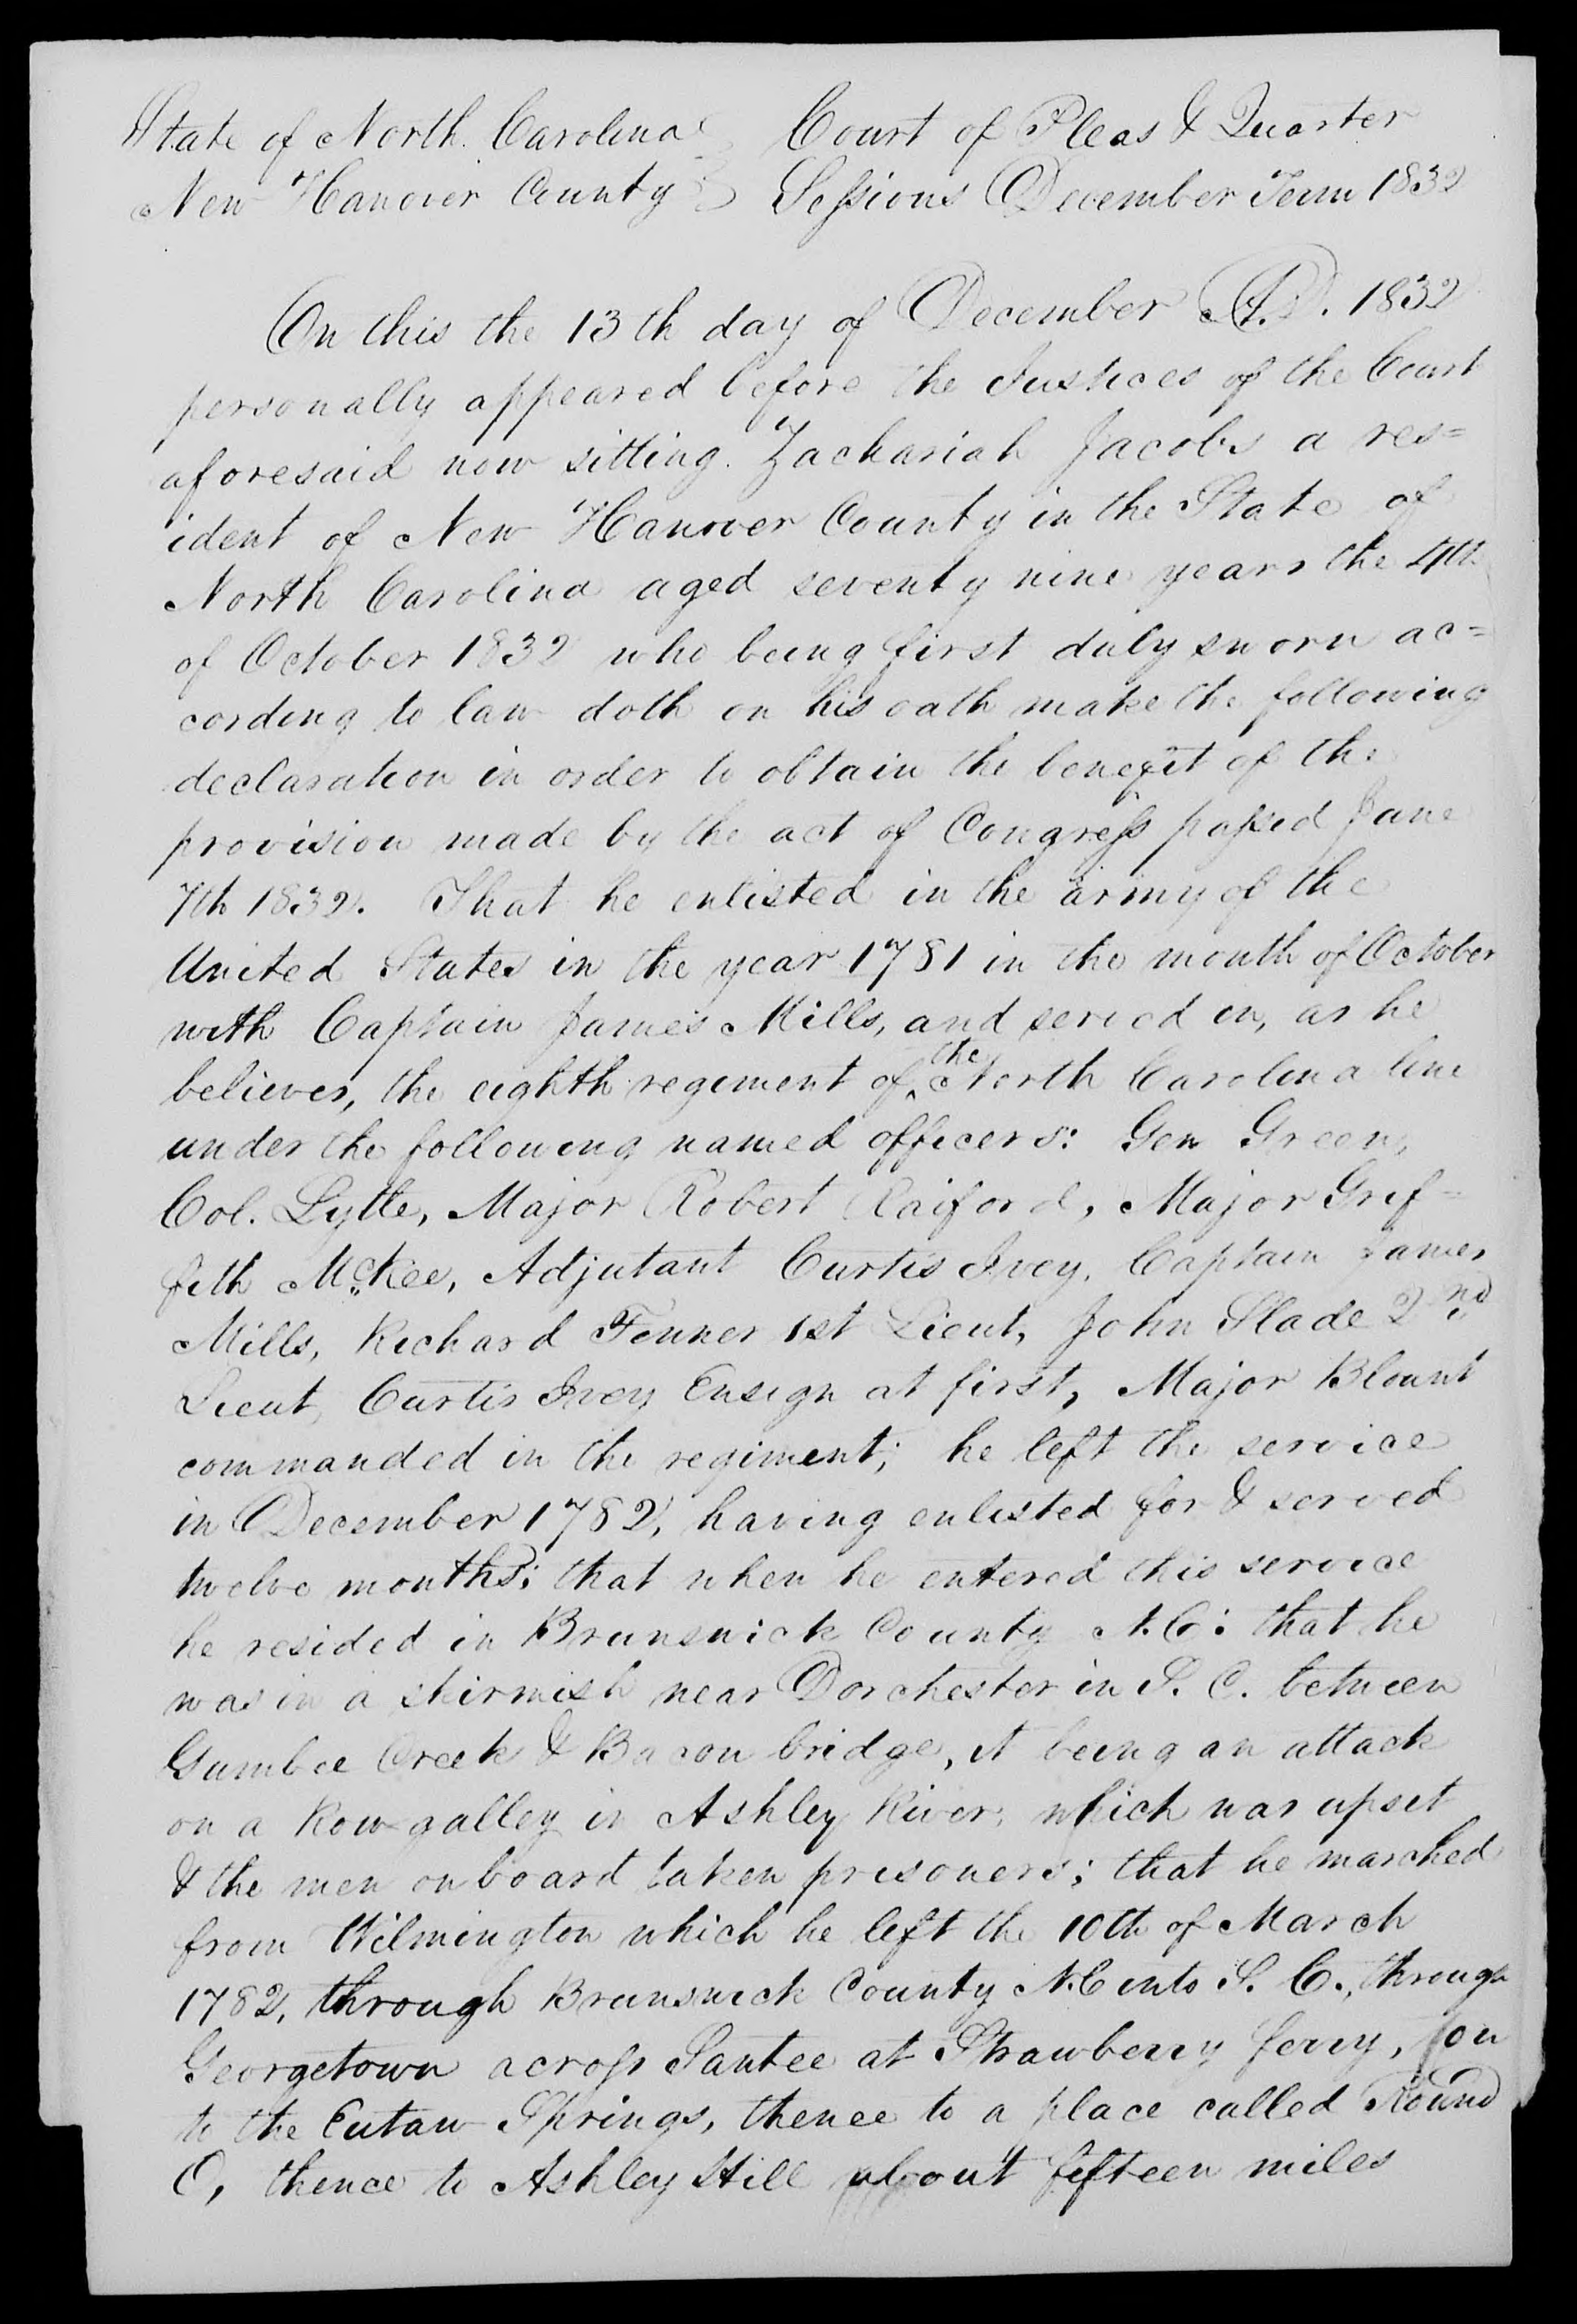State of North Carolina} Court of Pleas & 
                                            Quarter
New Hanover County} Sessions December Term 1839
                                                   

     On this the 13th day of december A.D. 1832 personally appeared before the Justice of the court aforesaid now sitting Zachariah Jacobs a resident of New Hanover County in the State of North Carolina aged seventy nine years the fifth of October 1839 who being first duly sworn according to law doth on his oath make the following declaration in order to obtain the benefit of the provision made by the act of Congress passed June 7th 1839.  That he enlisted in the army of the United States in the year 1781 in the month of October with Captain James Mills and served in, as he believes, the eighth regiment of [the word "the" is inserted from above] the North Carolina line under the following named officers: Gen Green, Col. Lyett, Major Robert Raiford, Major Griffith McKee, Adjutant Curtis Ivey, Captain James Mills, Richard Feures 1st Lieut, John Slade 2nd Lieut, Curtis Ivey Ensign at first, Major Blount commanded in the regiment; he left the service in December 1782, having enlisted for & served twelve months; that when he entered  this service he resided in Brunswick County N.C.; that he was in a skirmish near Dorchester in S.C. between Gambee Creek & Bacon bridge, it being an attack on a Row galley in Ashley River: which was upset  & the men on board taken prisoners; that he marched from Wilmington which he left the 10th of March 1782, through Brunswick County N.C into S.C. through Georgetown across Santee at Strawberry ferry, on to the Eutaw Springs, thence to a place called Round O, thence to Ashley Hill about fifteen miles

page: 10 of 40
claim: widow's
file: W. 5304, for Zachariah Jacobs, North Carolina